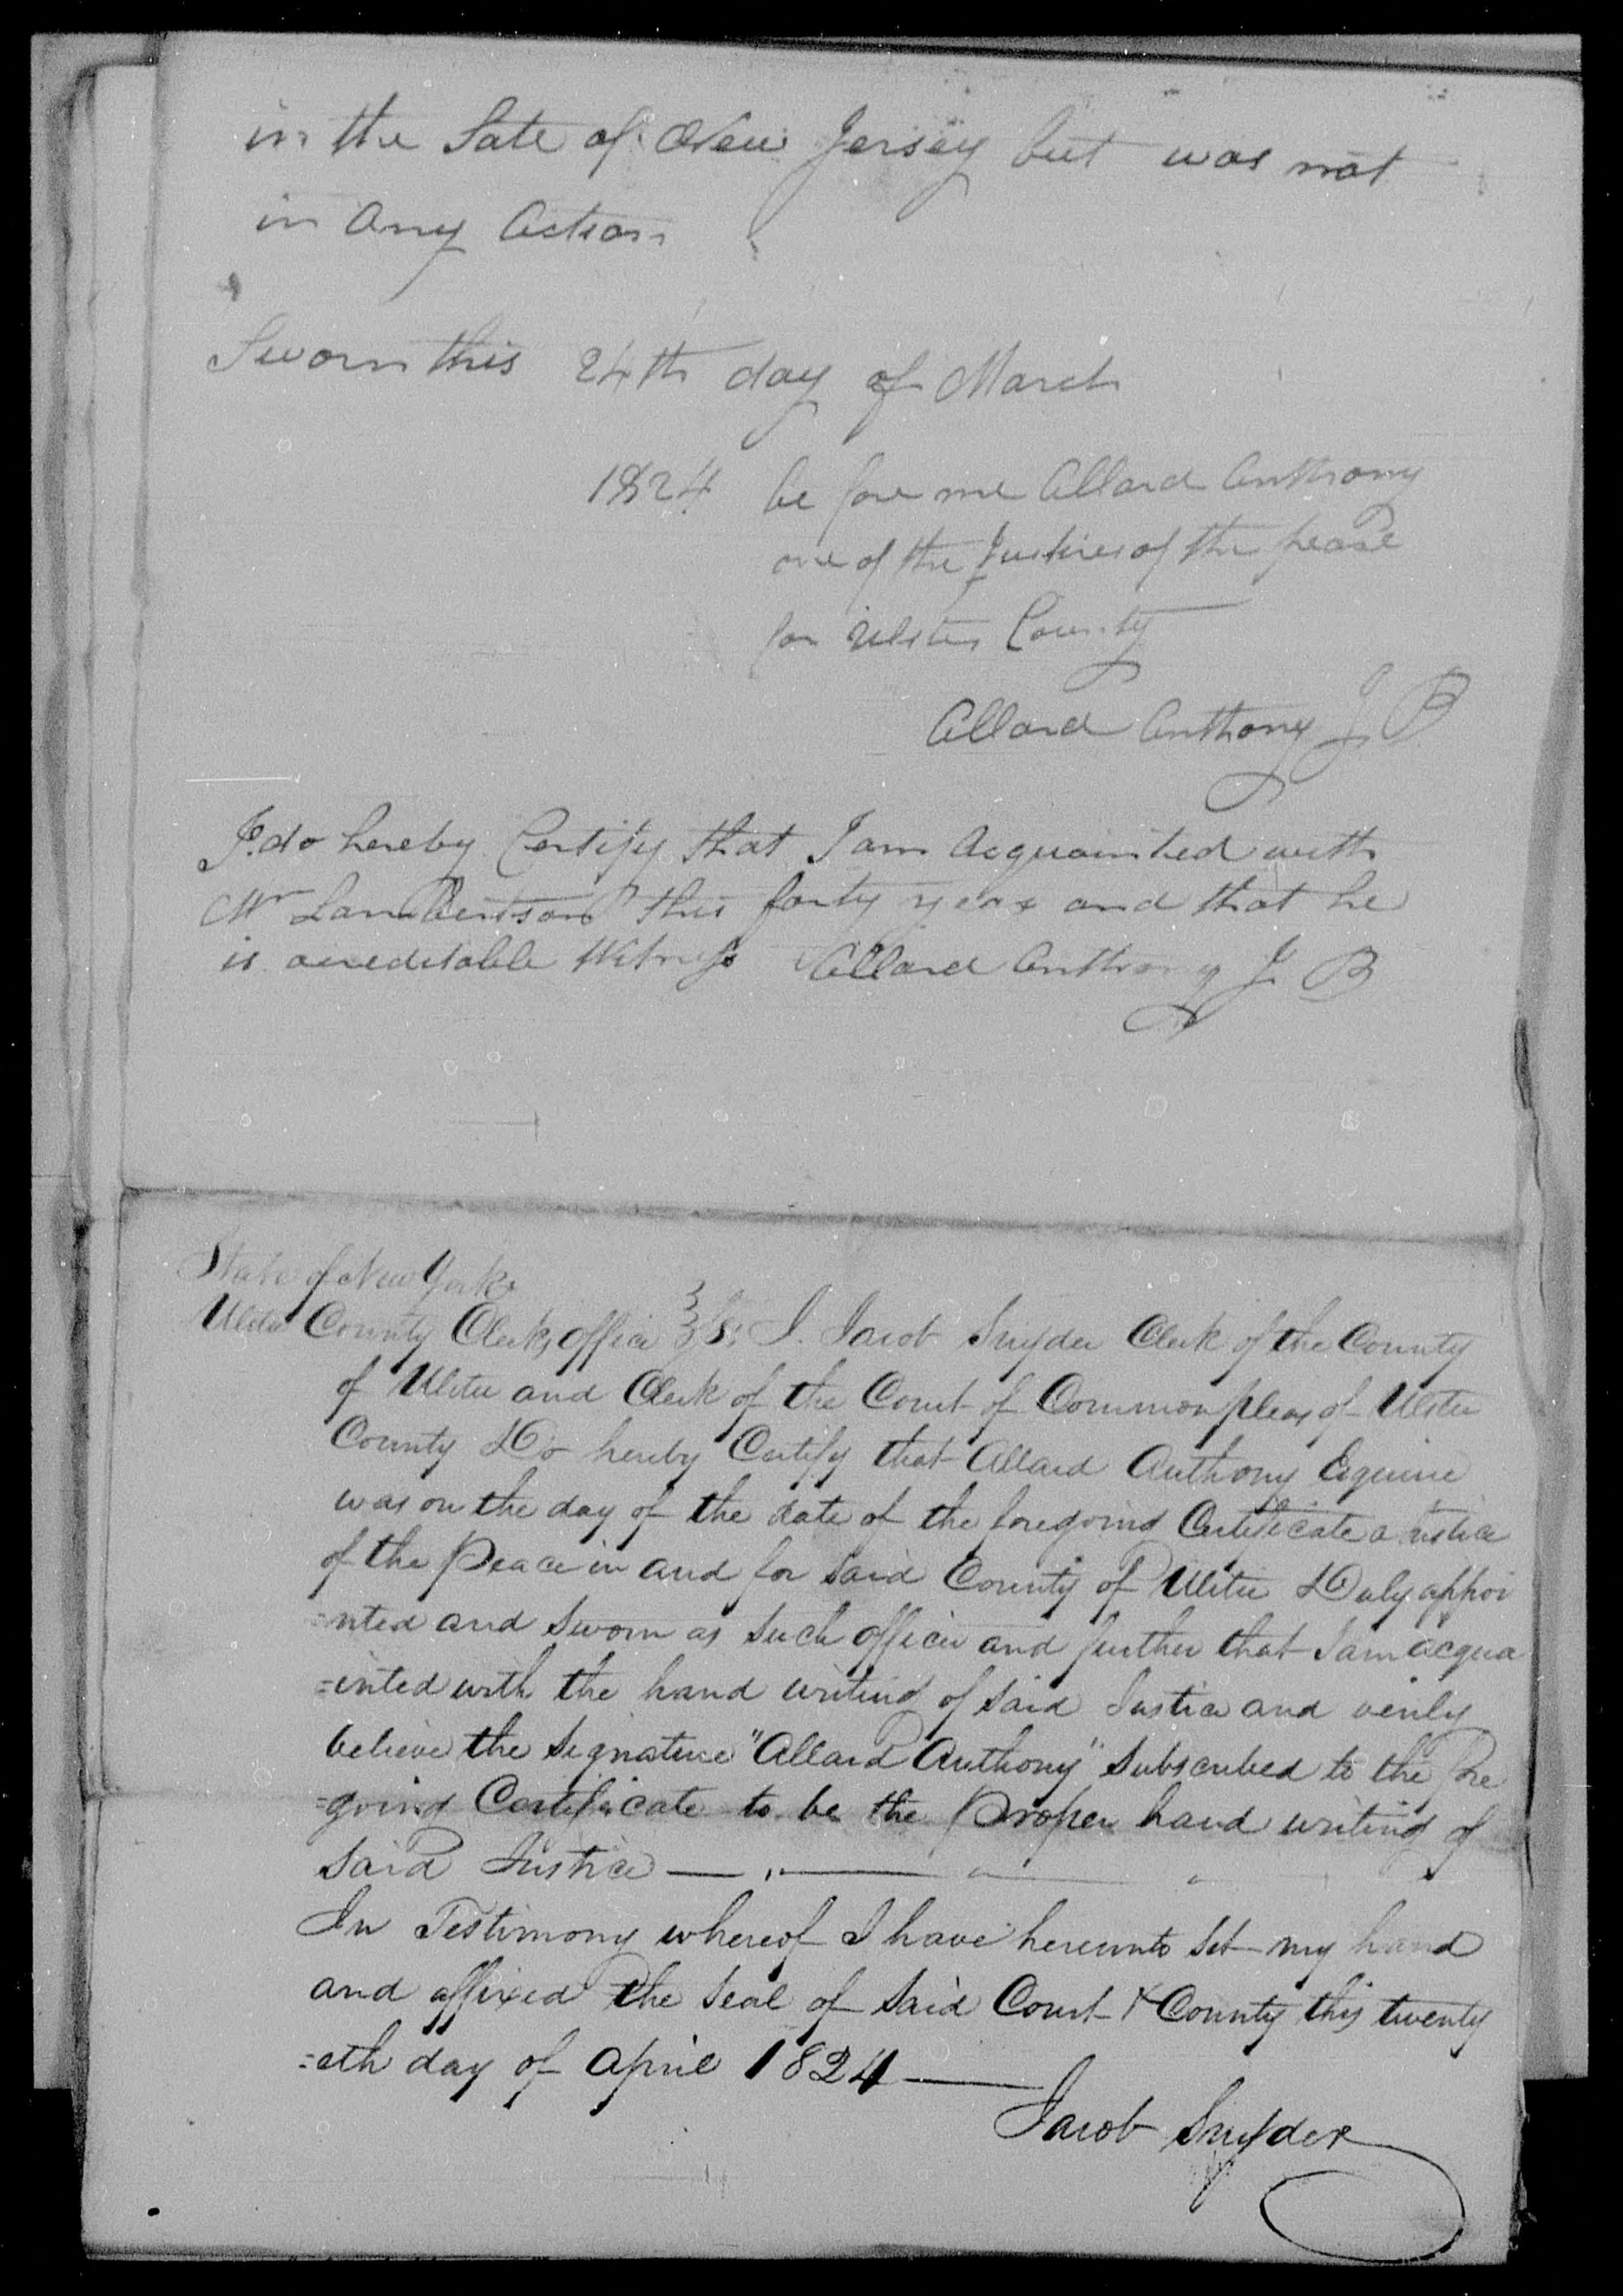in the sate of New Jersey but was not
in any Action
Sworn this 24th day of March
1824
before me Allard Anthony
one of the Justices of the peace
for Ulster County
Allard Anthony
I do hereby Certify that I am acquainted with
Mr Lambertson this forty years and that he
is a creditable Witness Allard Anthony

State of New Work
Ulster County Clerks office ⎬ I Jacob Snyder Clerk of the County
of Ulster and Clerk of the Court of Common Pleas of Ulster
County Do hereby Certify that Allard Anthony Esquire
was on the day of the date of the foregoing certificate a Justice
of the Peace in and for said County of White & Duly appointed and sworn as such officer and further that I am acquainted with the hand writing of said Justice and verily
believe the signature"Allard Anthony subscribed to the the
going certificate to be the proper hand writing of
-
In Testimony whereof I have hereunto set my hand
and affixed the seal of said Court & County this twenty
th day of April 1824 - Jacob Snyder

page: 8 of 64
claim: survivor's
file: S. 42,464, for William Terwilliger, New York